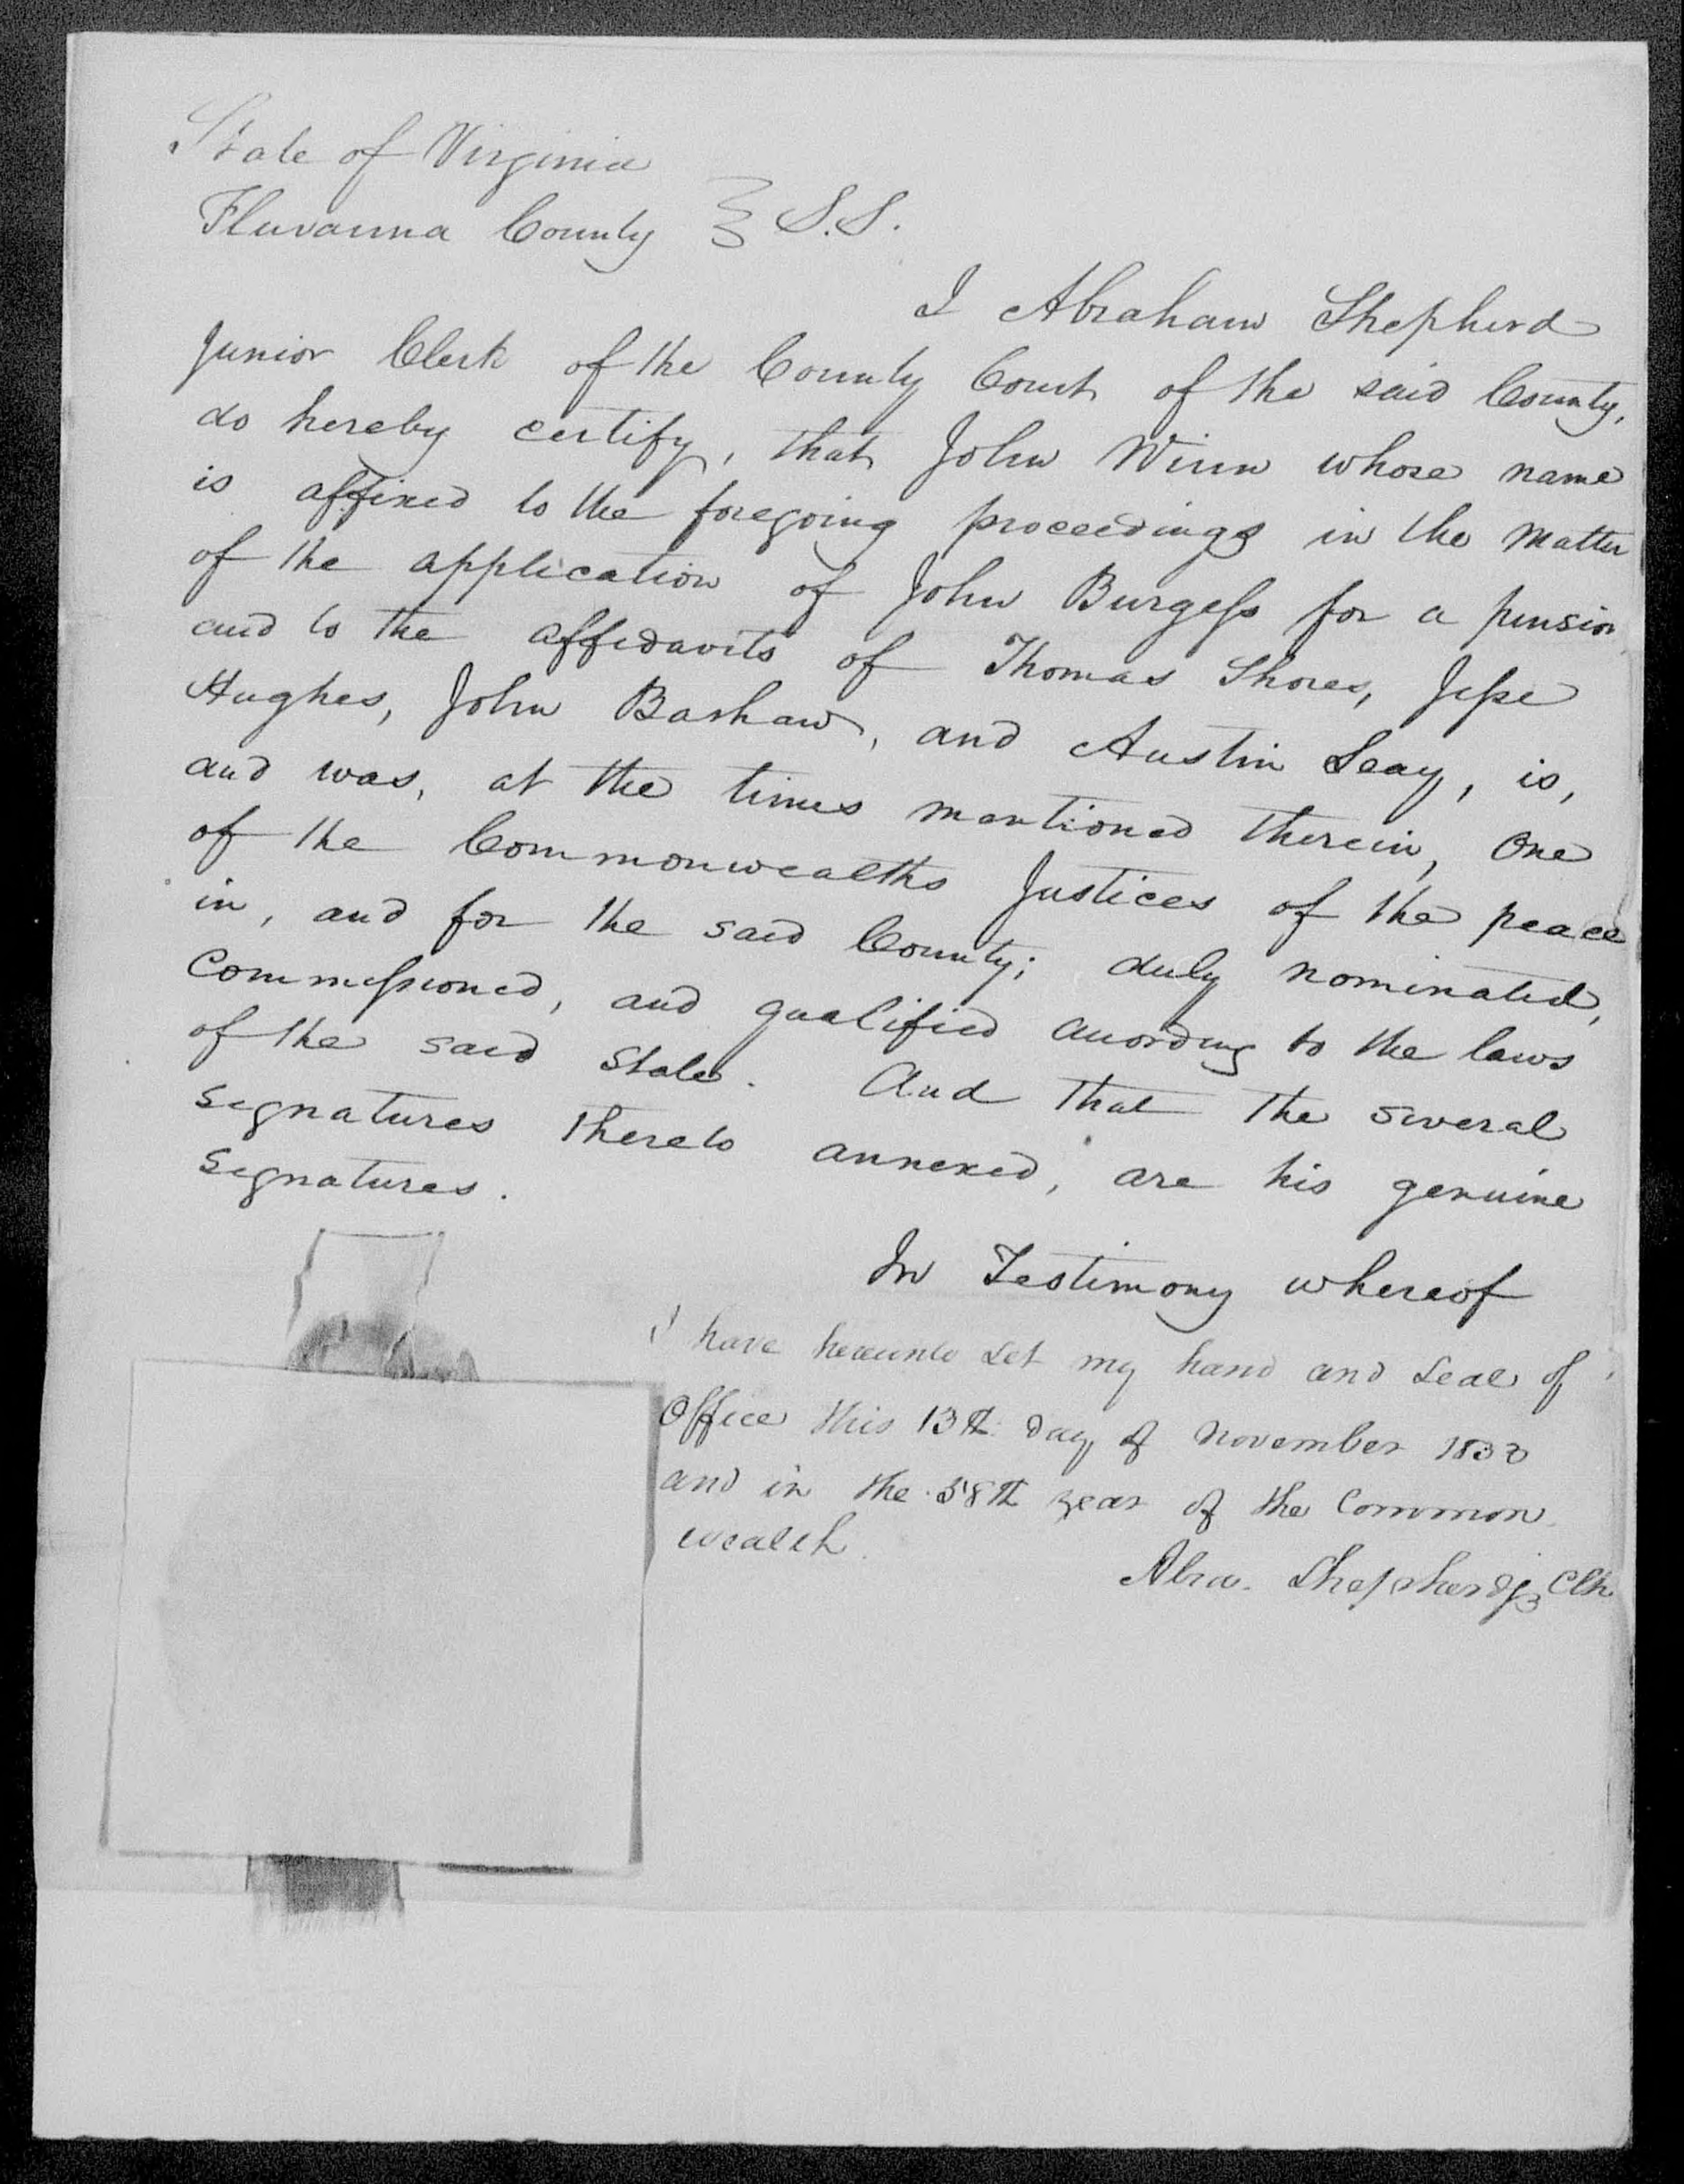State of Virginia
Fluvanna County S.S.
I Abraham Shepherd Junior Clerk of the County Court of the said County, do hereby certify, that John Winn whose name is affixed to the foregoing proceedings in the matter of the application of John Burgess for a pension and to the affidavits of Thomas Shores Jesse Hughes, John Bashaw, and Austin Seay, is and was, at the times mentioned therein, one of the Commonwealths Justices of the peace in, and for the said County; duly nominated, commissioned, and qualified according to the laws of the said state.  And that the several signatures thereto annexed, are his genuine signatures
In Testimony whereof I have hereunto set my hand a seal of Office this 13th day of November 1833 and in the 58th year of the Commonwealth.
Abra Shepherd,  jr Clk.

[affixed seal covered]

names: John Winn, Thomas Shores, Austin Seay, Abm Shepherd, Abraham Shepherd, John Burgess, Jesse Hughes, John Bashaw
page: 15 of 16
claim: survivor's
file: S. 8113, John Burgess, Va.